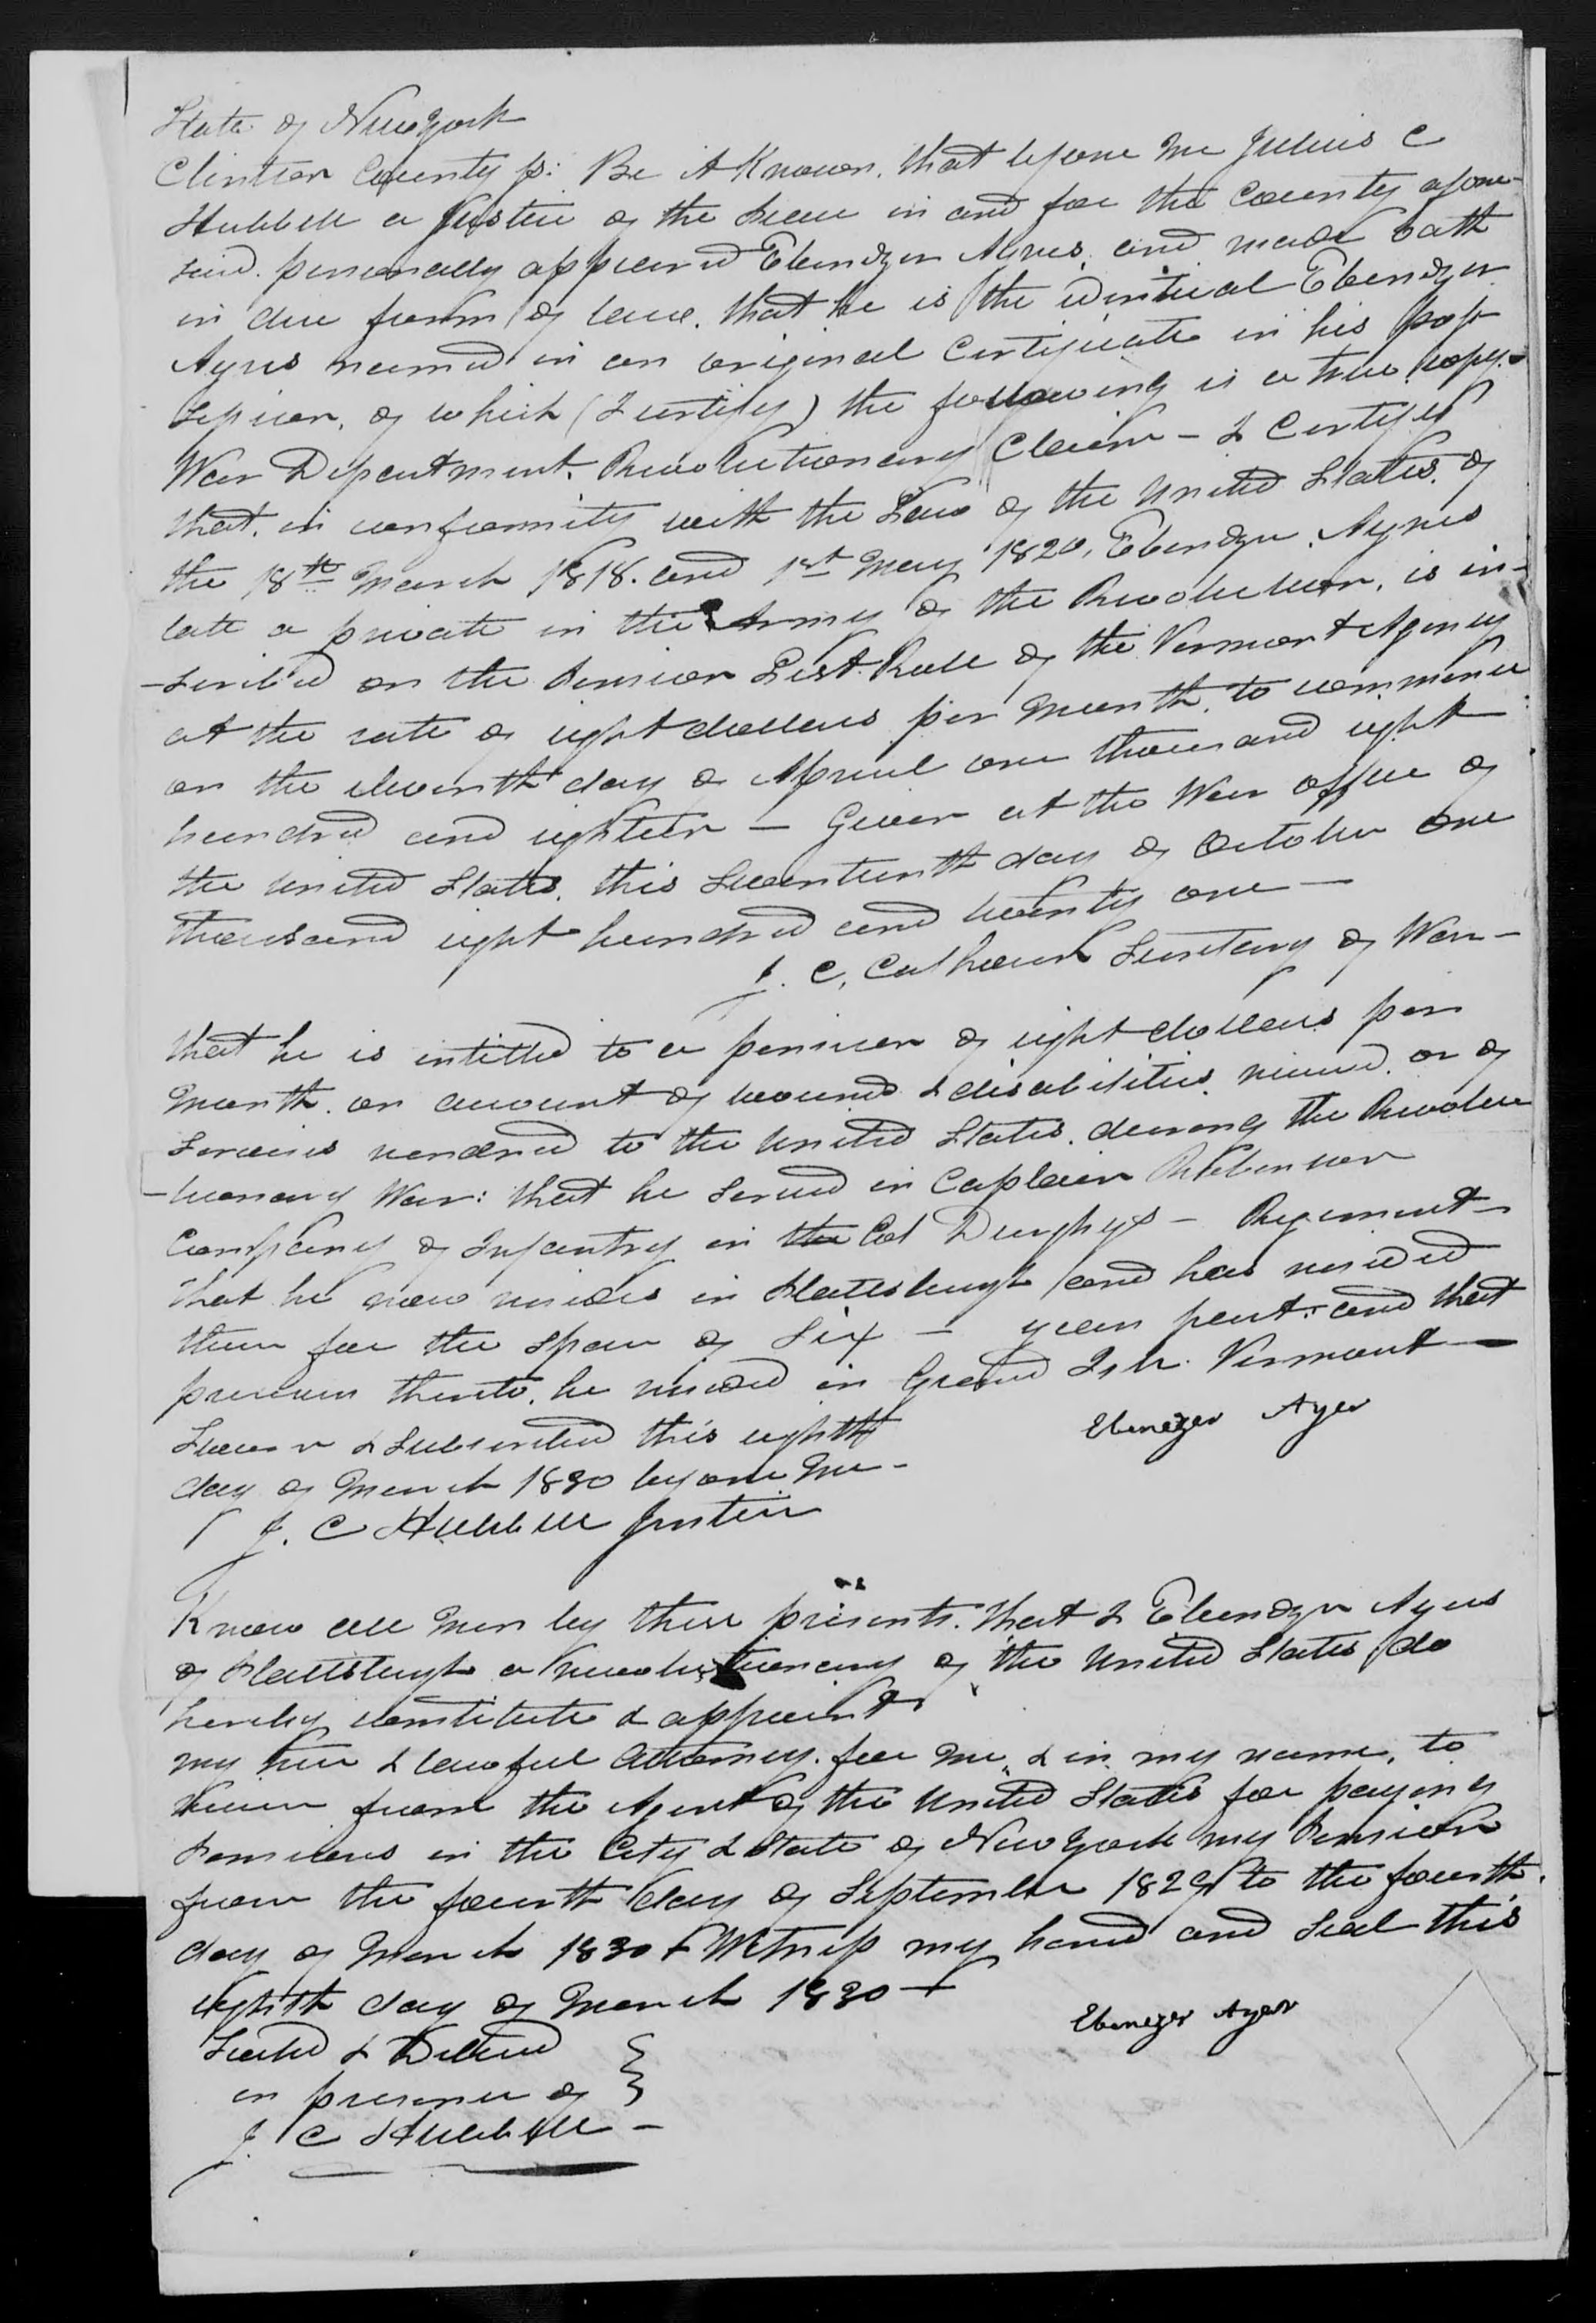State of New York
Clinton County ss.
Be it known, that before me Julius C Hubbell a Justice of the peace in and for the County aforesaid, personally appeared Ebenezer Ayres [Ayer], and made oath in due form of law, that he is the identical Ebenezer Ayres named in an original Certificate in his possession, of which (I certify) the following is a true copy.
War Department, Revolutionary Claim - I Certify that, in conformity with the laws of the United States, of the 18th March 1818, and 1st May 1820, Ebenezer Ayres late a private in the Army of the Revolution is inscribed on the pension List Roll of the Vermont Agency at the rate of eight dollars per month to commence on the eleventh day of April one thousand eight hundred and eighteen - Given at the War office of the United States, this seventeenth day of October one thousand eight hundred and twenty one—
J. C. Calhoun Secretary of War
That he is entitled to a pension of eight dollars per month on account of wounds & disabilities received or by services rendered to the United States during the Revolutionary War:  that he served in Captain Robinson Company & Infantry in Col Dunphys Regiment - That he now resides in Plattsburgh and has resided there for the space of six years past and that previous thereto he resided in Grand Isle, Vermont—
Ebenezer Ayer
Sworn & Subscribed this eighth day of
March 1830 before me-
J. C. Hubbell Justice 
Know all men by these presents.  That I Ebenezer Ayers of Plattsburgh a revolutionary of the United States do hereby constitute & appoint [blank space] my true & lawful attorney for me & in my name, to receive from the Agent of the United States for paying pensions in the City & State of New York my pension from the fourth day of September 1829 to the fourth day of March 1830 - Witness my hand and seal this eighth day of March 1830—
Ebenezer Ayer
Sworn & subscribed}
in presence of}
J. C. Hubbell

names: Ebenezer Ayers, Ebenezer Ayer, Ebenezer Ayer, J C Hubbell, Julius C Hubbell, J C Hubbell, J C Calhoun, Ebenezer Ayres, Ebenezer Ayres, Ebenezer Ayres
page: 34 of 50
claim: widow's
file: W. 8559, Ebenezer Ayer, Continental (Conn)